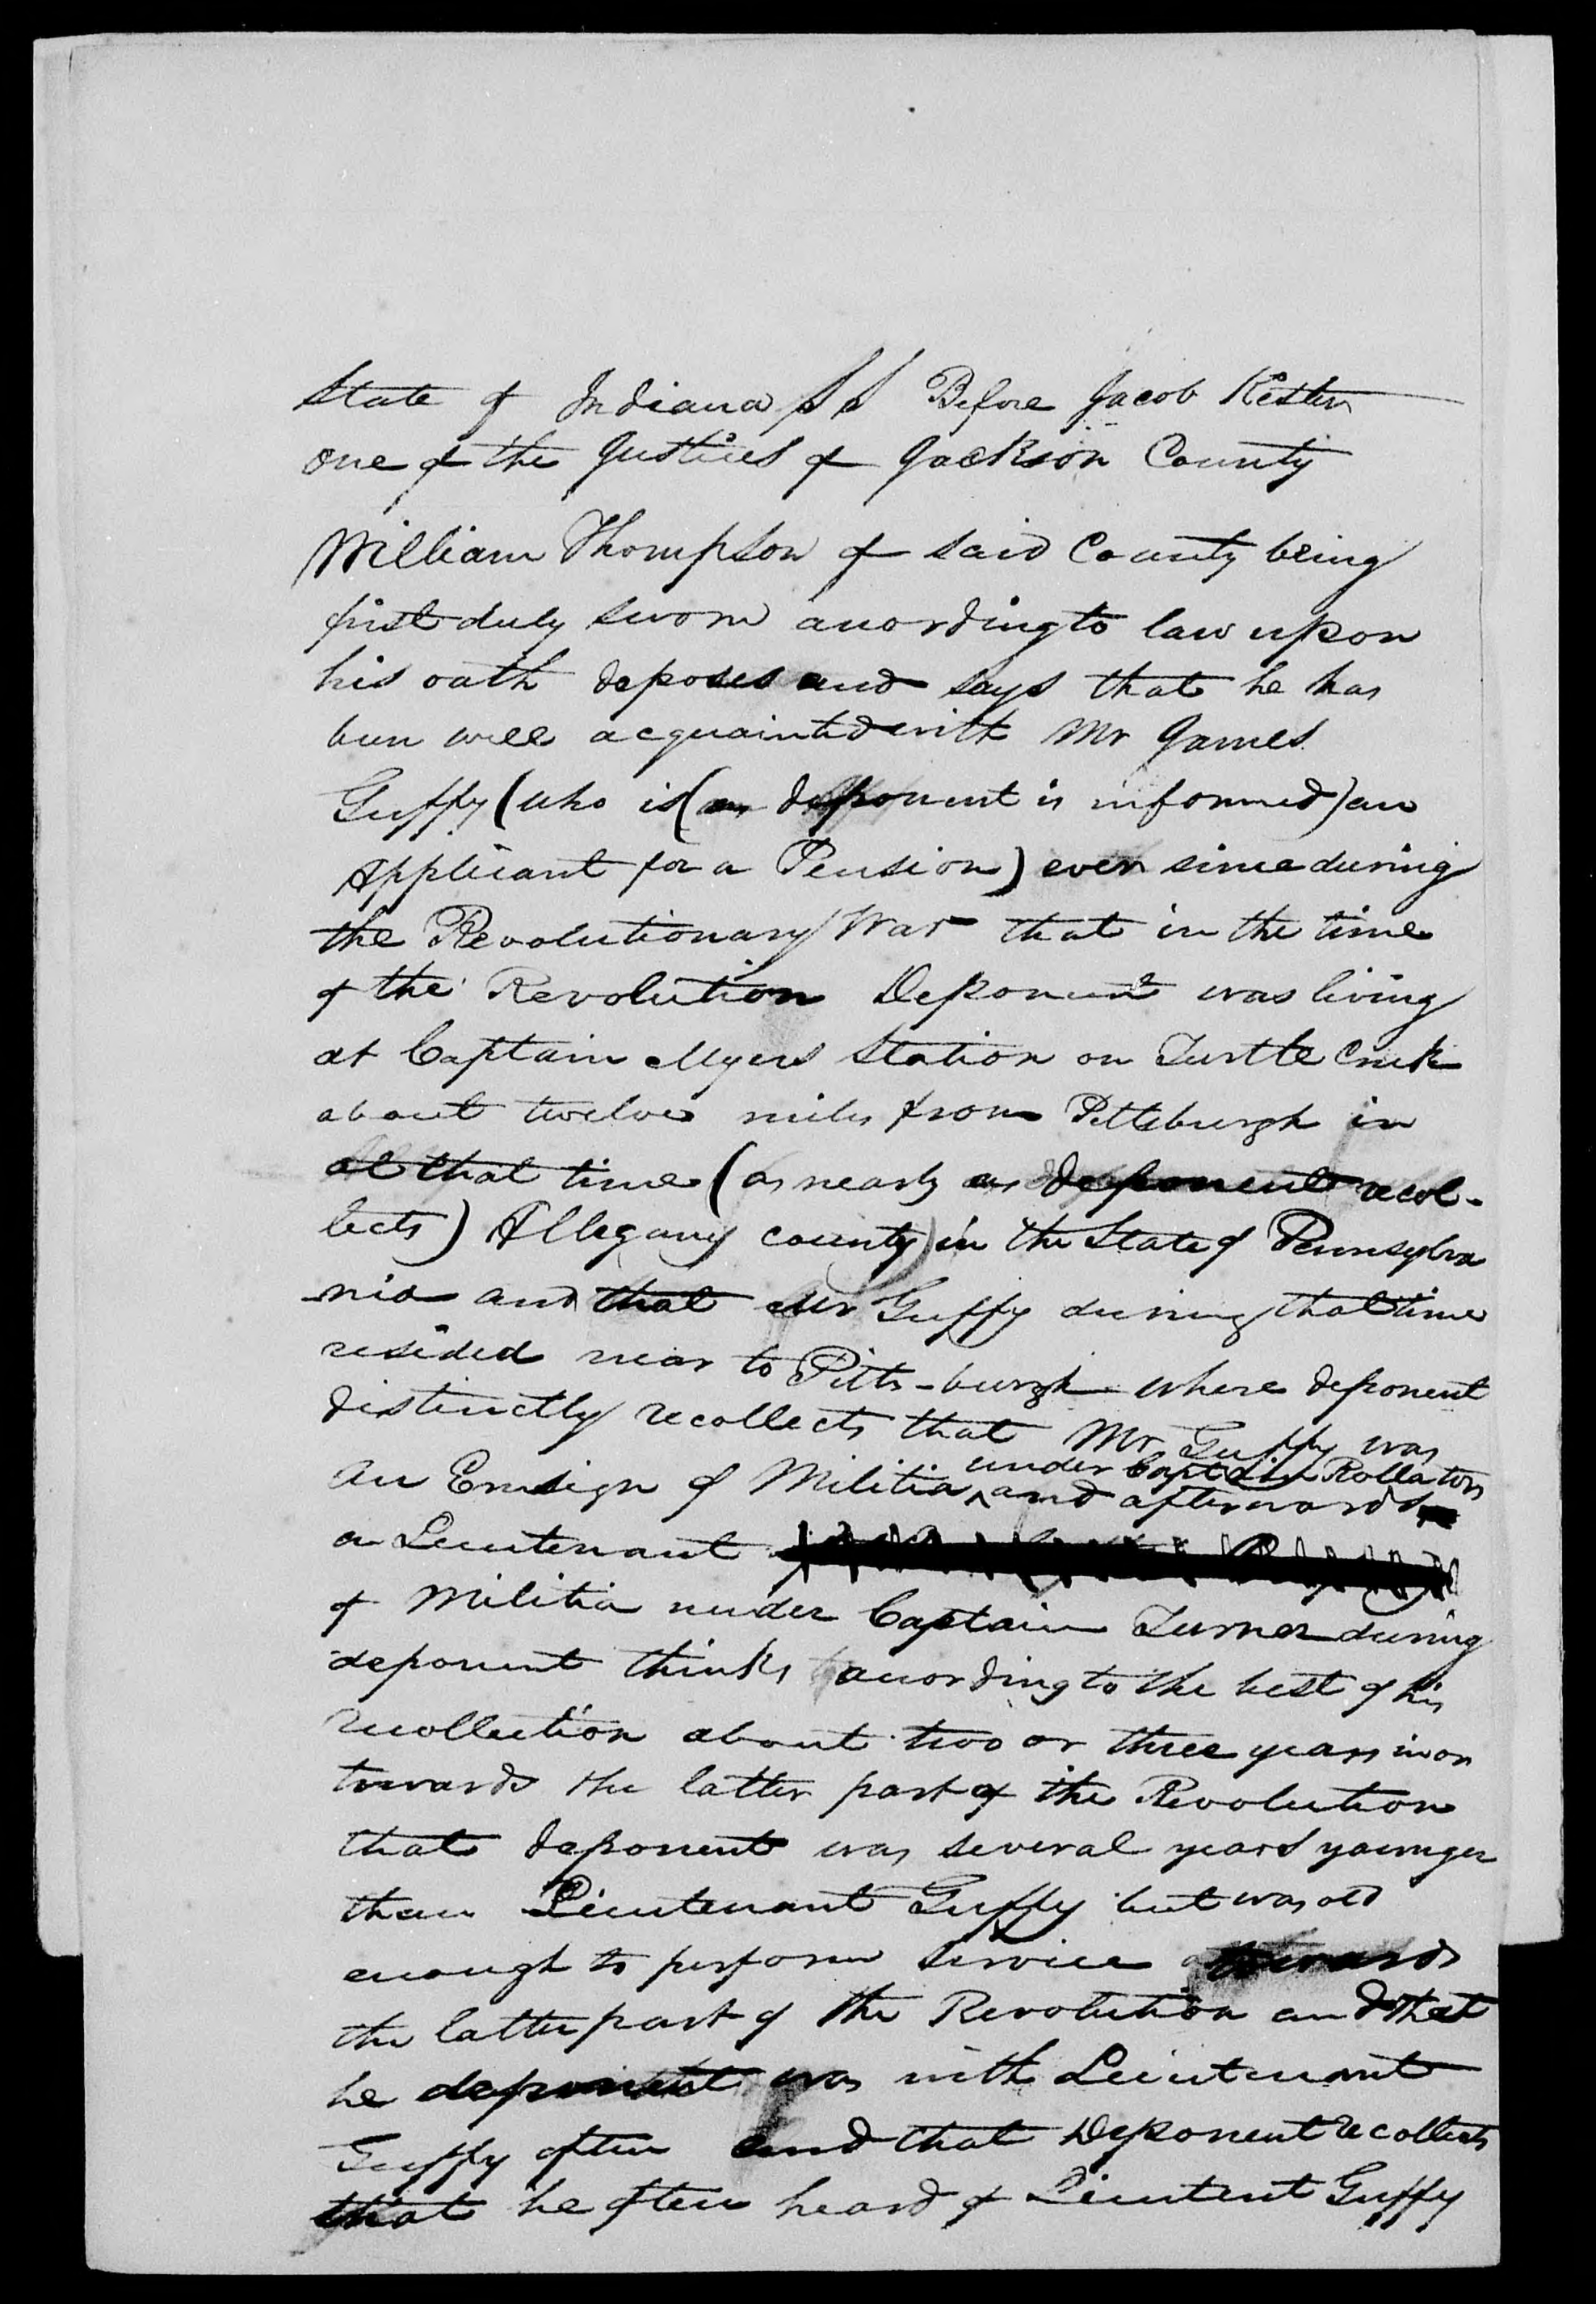State of Indiana SS before Jacob Kestler
one of the Justices of Jackson County
William Thompson of said County being
first duly sworn according to law upon
his oath depose and says that he has
been well acquainted with Mr James
Guffy (who is my deponent is informed) an
Applicant for a Pension) even since during the
Revolutionary War, that in the time
of the Revolution deponent was living
at Captain Myers Station on Turtle Creek
about twelve miles from Pittsburgh in
that time (as nearly as deponent recollects) Allegany County in the State of Pennsylvania
and that Mr Guffy during that time resided near to Pittsburgh where deponent distinctly recollects that Mr. Guffy was an Ensign of Militia ^ under Captain Rollator and afterwards a Lieutenant of Militia under Captain Turner during deponent thinks according to the best of his recollection about two or three years in on towards the latter part of the Revolution
that deponent was several years younger
the Lieutenant Gully but was old enough to perform service toward the latter part of the Revolution and that the deponent was with Lieutenant Guffy often and that Deponent recollects that he often heard of Lieutent Guffy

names: William Thompson, Guffy, Turner, Guffy, James Guffy, Rollator, Guffy, Guffy, Jacob Kester, Myers, Guffy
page: 21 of 36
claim: survivor's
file: S. 31,718, James Guffey, Penn.